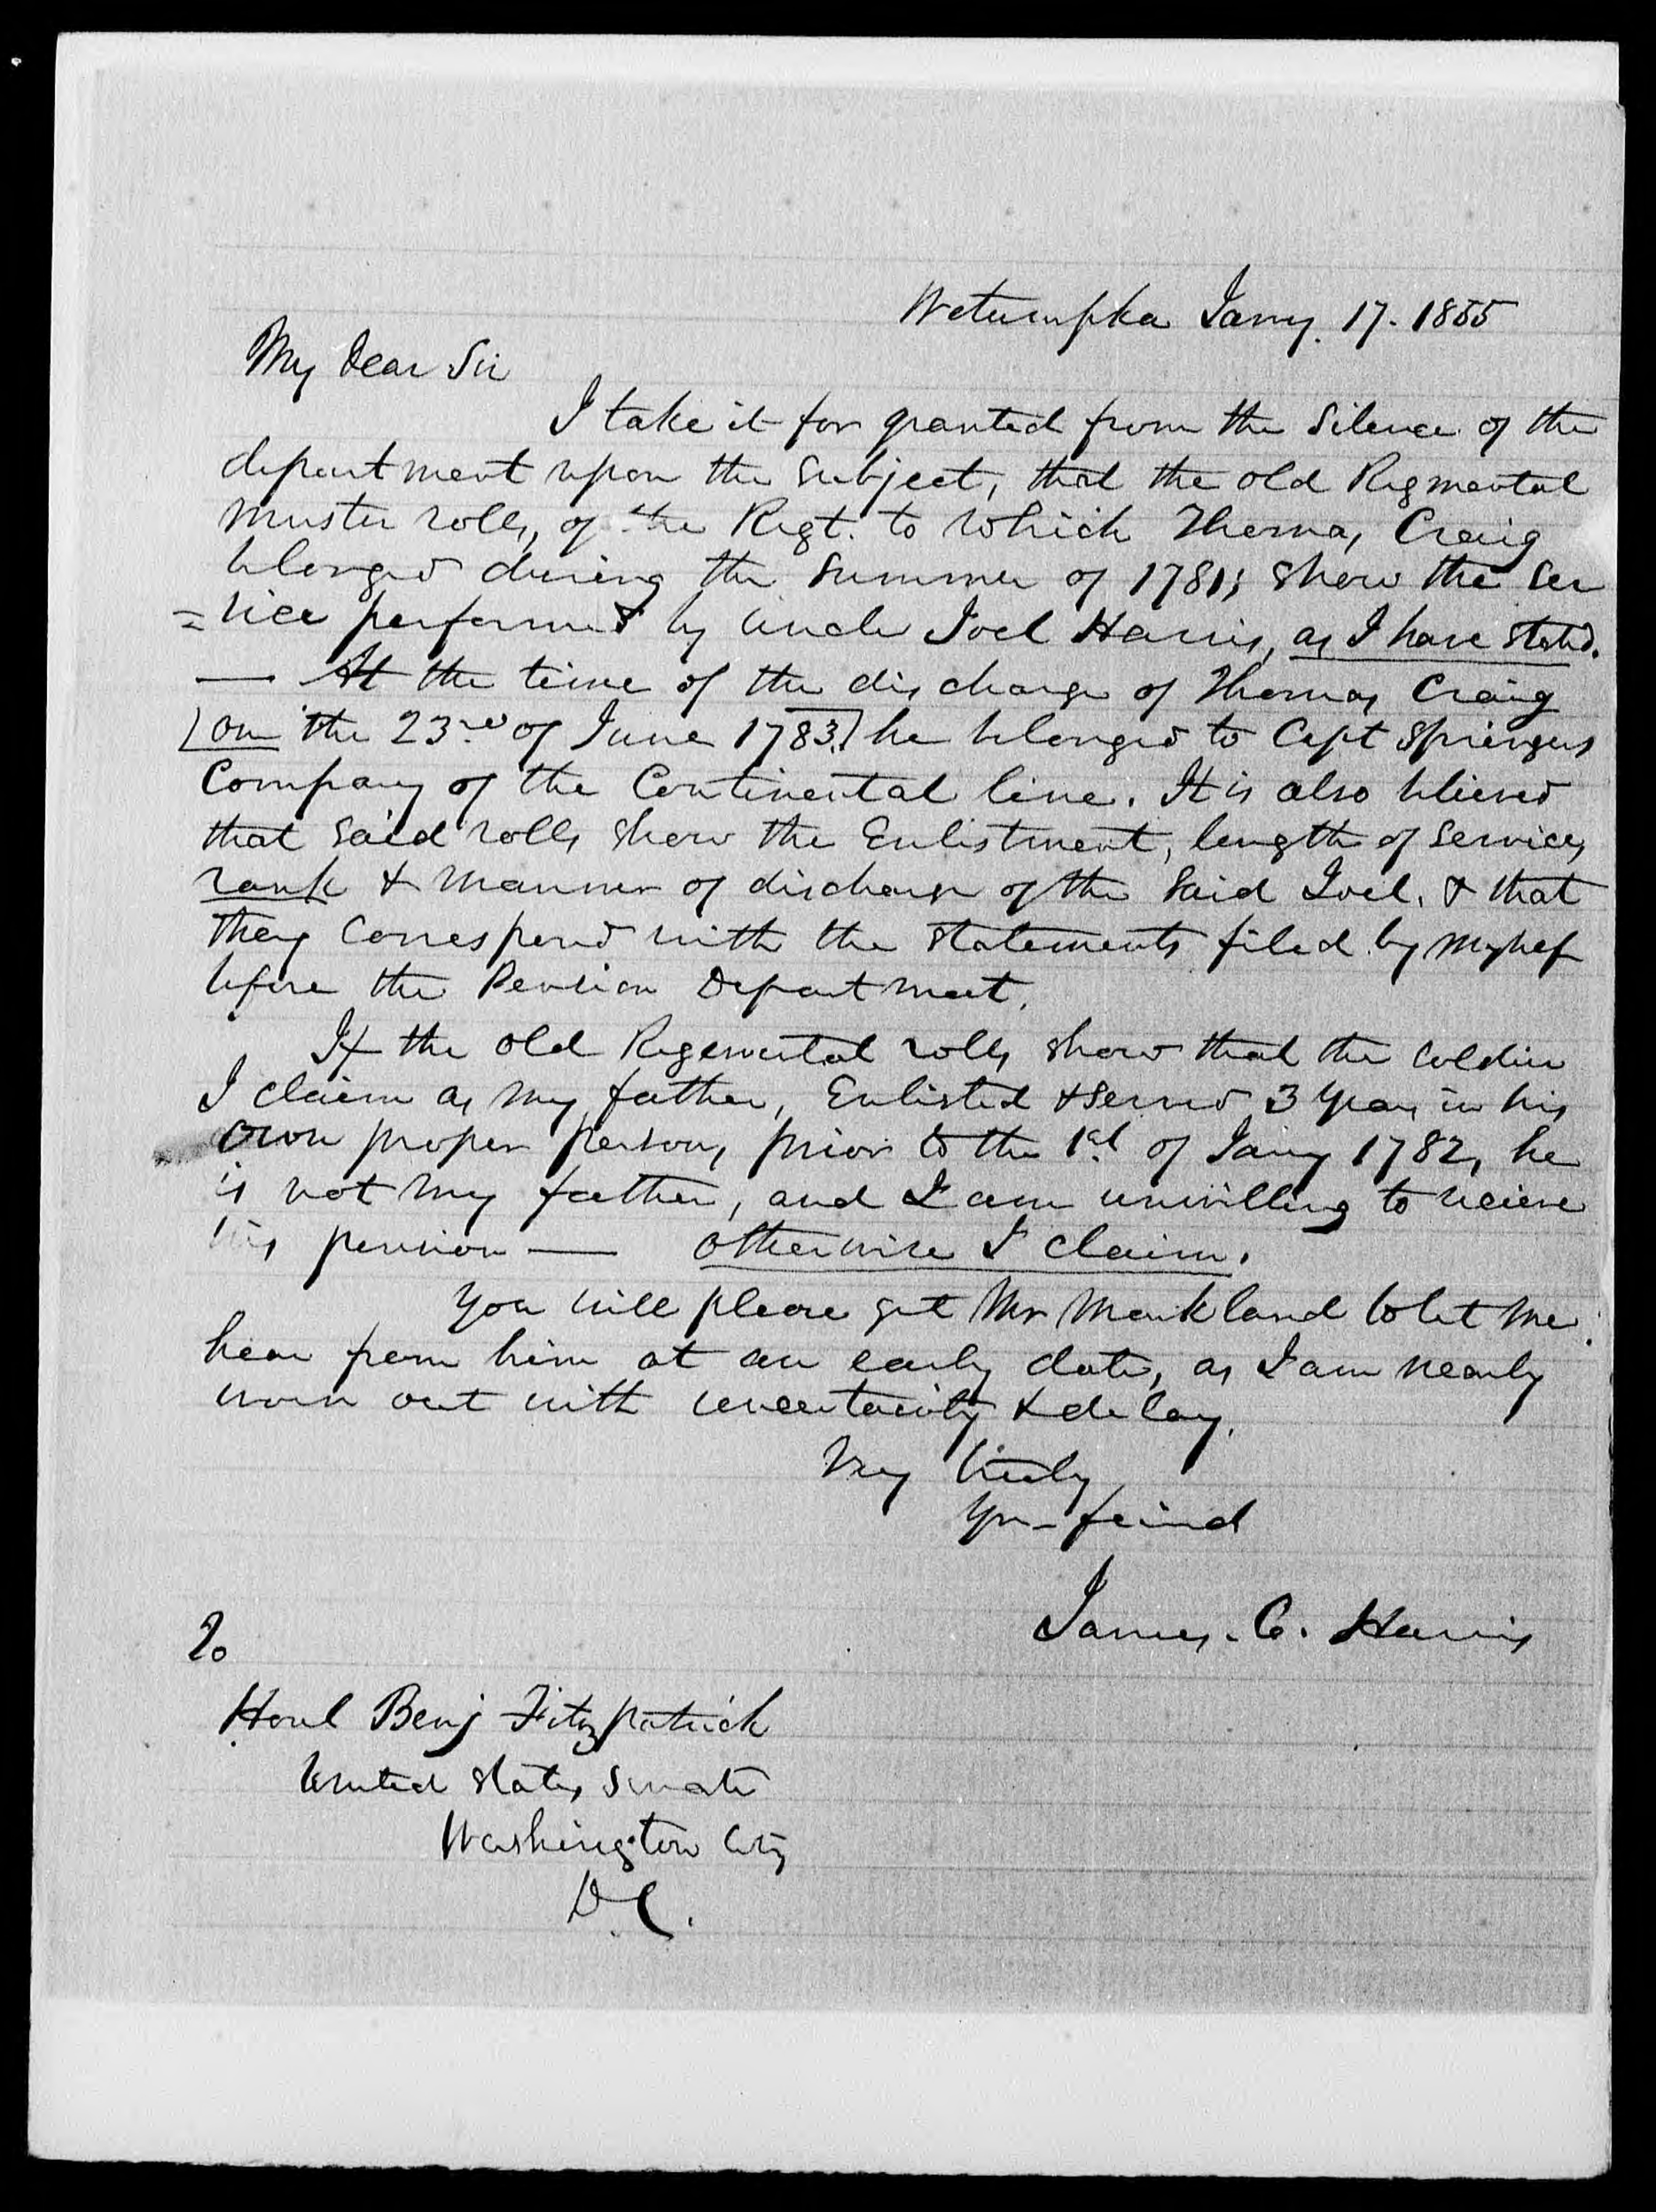Wetumpka Jany 17.1855
My Dear Sir
   I take it for granted from the silence of the department upon the subject, that the old Regimental Muster roll of the Regt. to which Thomas Craig belonged during the summer of 1781 show the service performed by Uncle Joel Harris, as I have stated.
   At the time of the discharge of Thomas Craig (on the 23rd of June 1783) he belonged to Capt Springer's Company of the Continental line.  It is also believed that said rolls show the Enlistment, length of service, rank & manner of discharge of the said Joel & that they correspond with the statements filed by myself before the Pension Department.
    If the old Regimental rolls show that the soldier I claim as my father, Enlisted & served 3 years in his own proper person, prior to the 1st of Jany 1782, he is not my father, and I am unwilling to receive his pension--otherwise I claim.
   You will please get Mr. Markland to let me hear from him at an early date, as I am nearly worn out with inactivity & delay.
          Very truly
             Your friend
                 James C. Harris

To
 Honl Benj Fitzpatrick
  United States Senate
  Washington City
   D.C.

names: Thomas Craig, Joel Harris, Benj Fitzpatrick, James C Harris, Therna Craig, Markland, Joel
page: 22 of 160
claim: rejected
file: R. 4666, James Harris, Va.